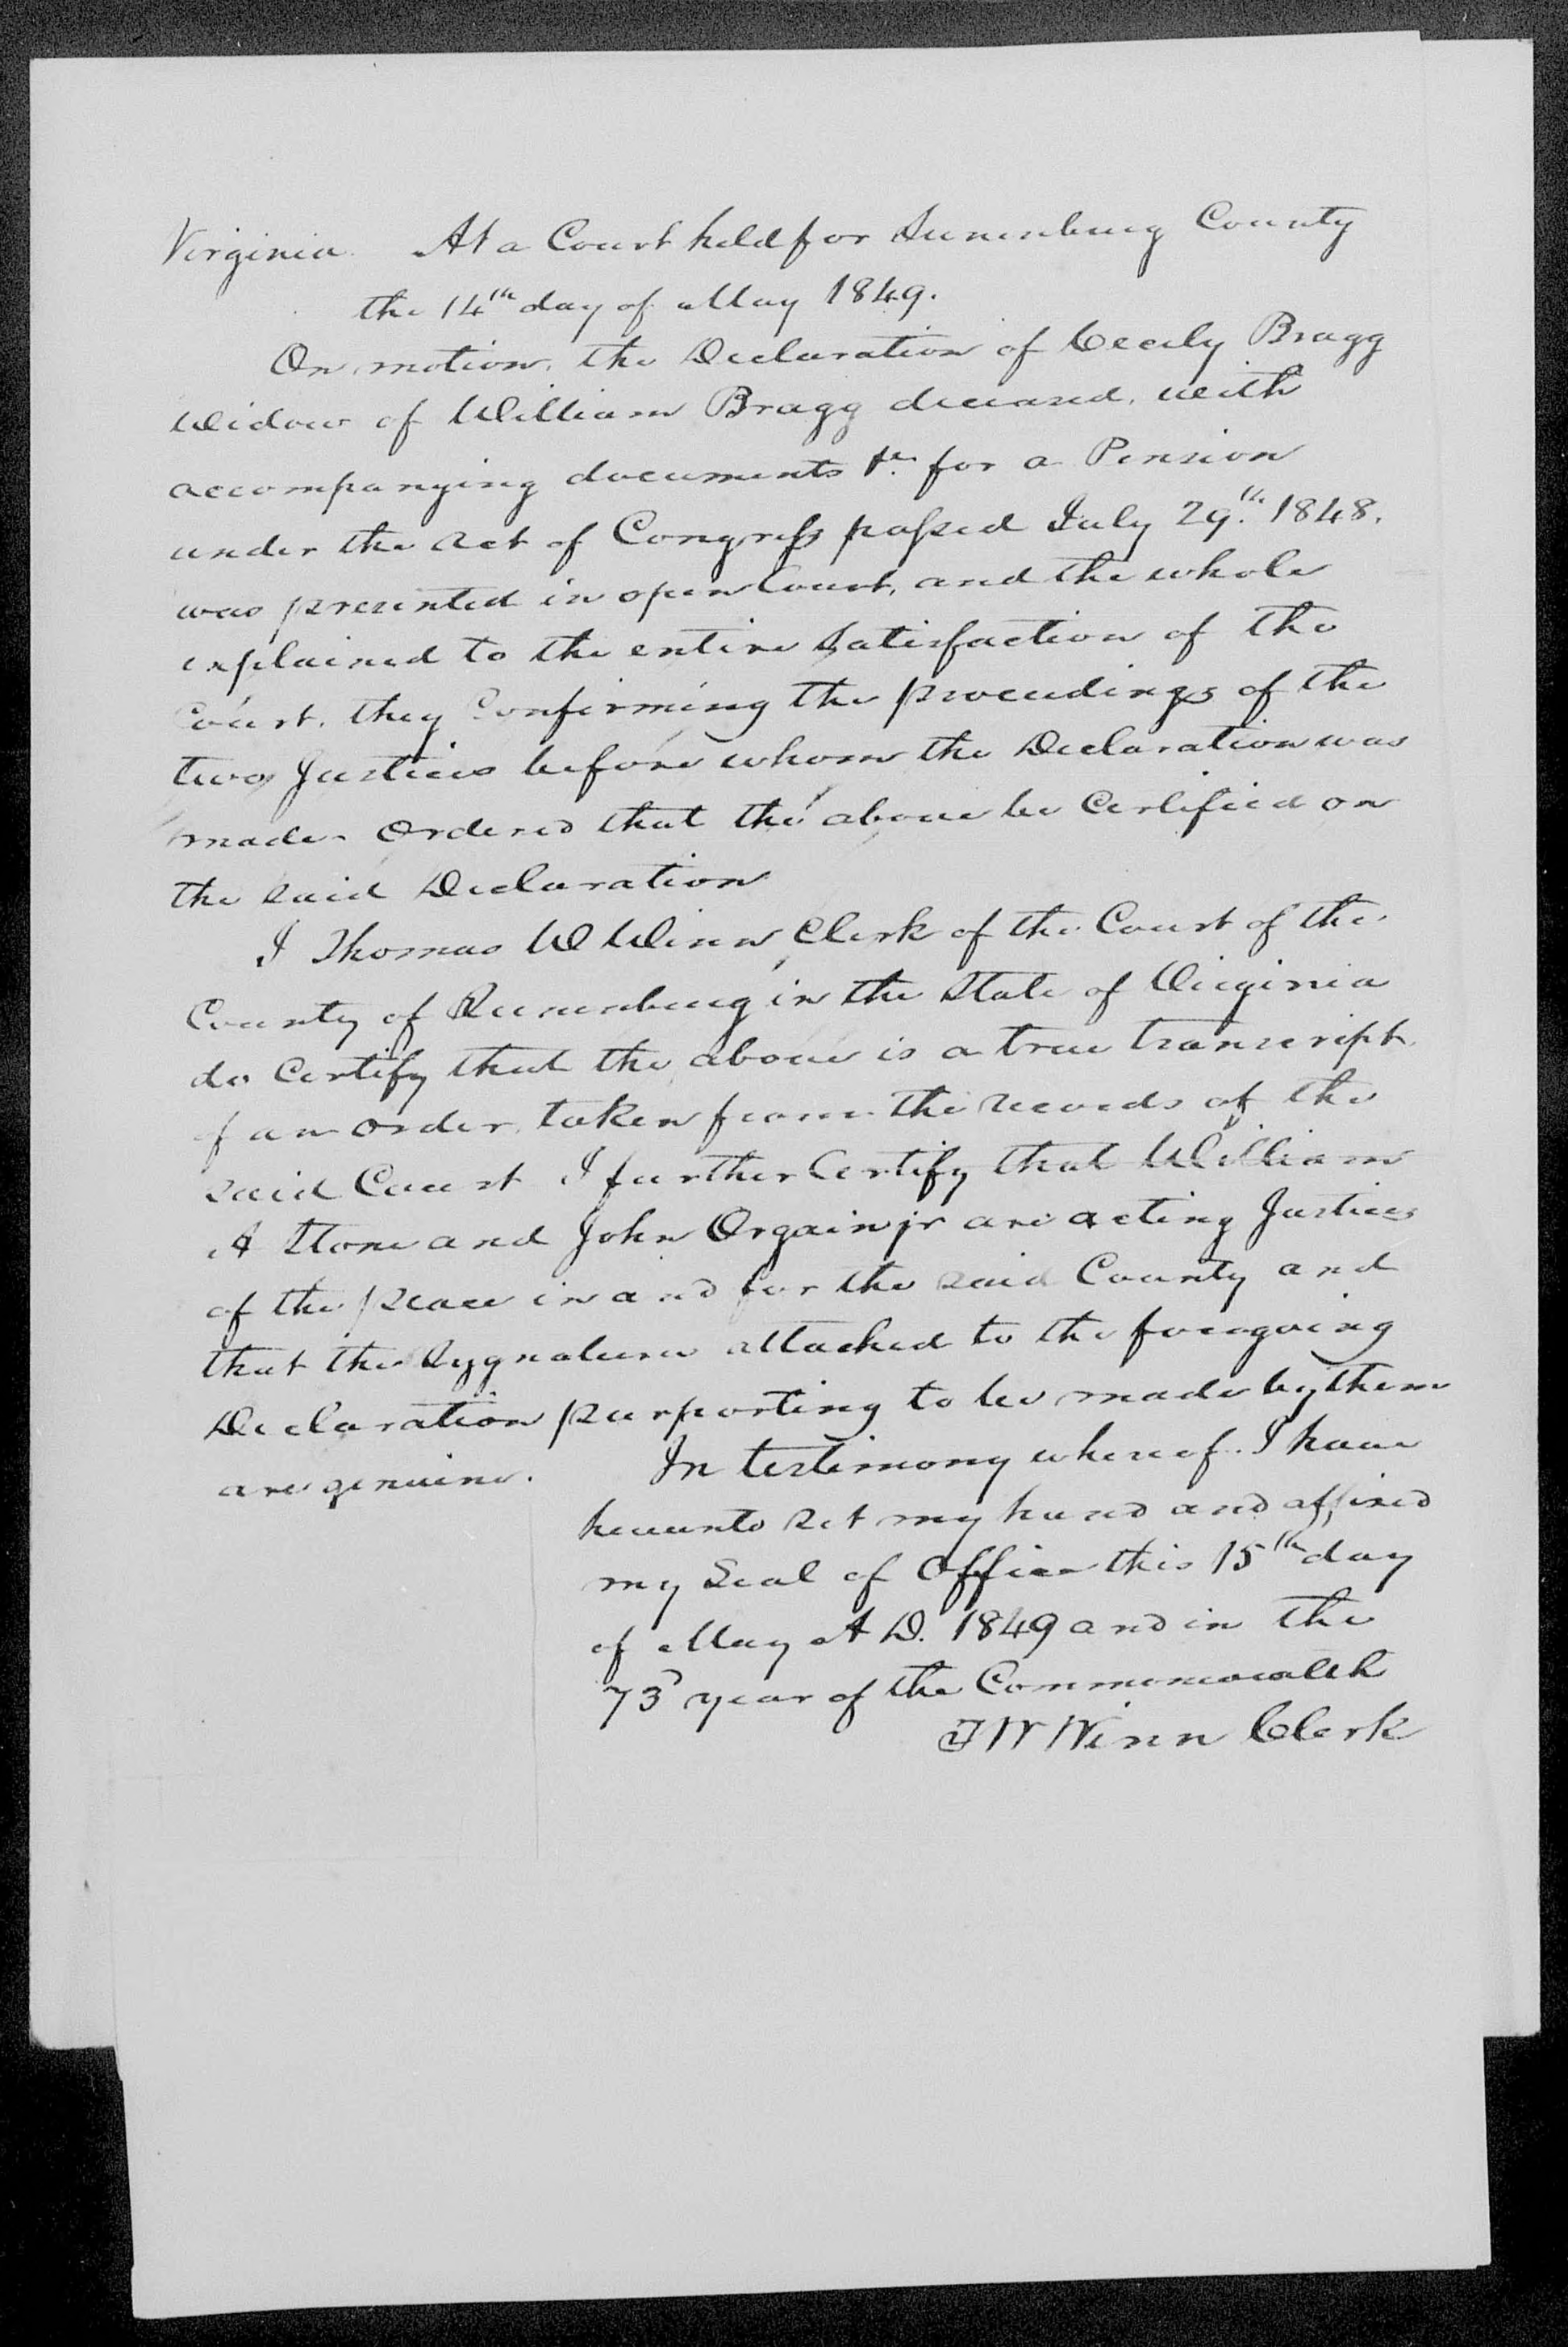Virginia. At a Court held for Lunenburg County the 14th day of May 1849.
On motion, the Declaration of Cecely Bragg widow of William Bragg deceased, with accompanying documents &c for a Pension under the act of Congress passed July 29th 1848, was presented in open Court, and the whole explained to the entire satisfaction of the Court, they confirming the proceedings of the two Justice before whom the Declaration was made ordered that the above be certified on the said Declaration. 
I Thomas W Winn Clerk of the Court of this County of Lunenburg in the State of Virginia do certify that the above is a true transcript of an order taken from the records of the said Court. I further certify that William A Stone and John Orgain jr [Jr.] are acting Justices of the peace in and for the said County and that the signature attached to the foregoing Declaration purporting to be made by them are genuine. In testimony whereof I have hereunto set my hand and affixed my seal of Office this 15th day of May A.D. 1849 and in the 73d year of the Commonwealth
T W Winn Clerk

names: John Orgain, Cecely Bragg, Thomas W Winn, William Bragg, T W Winn, William A Stone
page: 12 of 19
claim: widow's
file: W. 2517, William Bragg, Va.